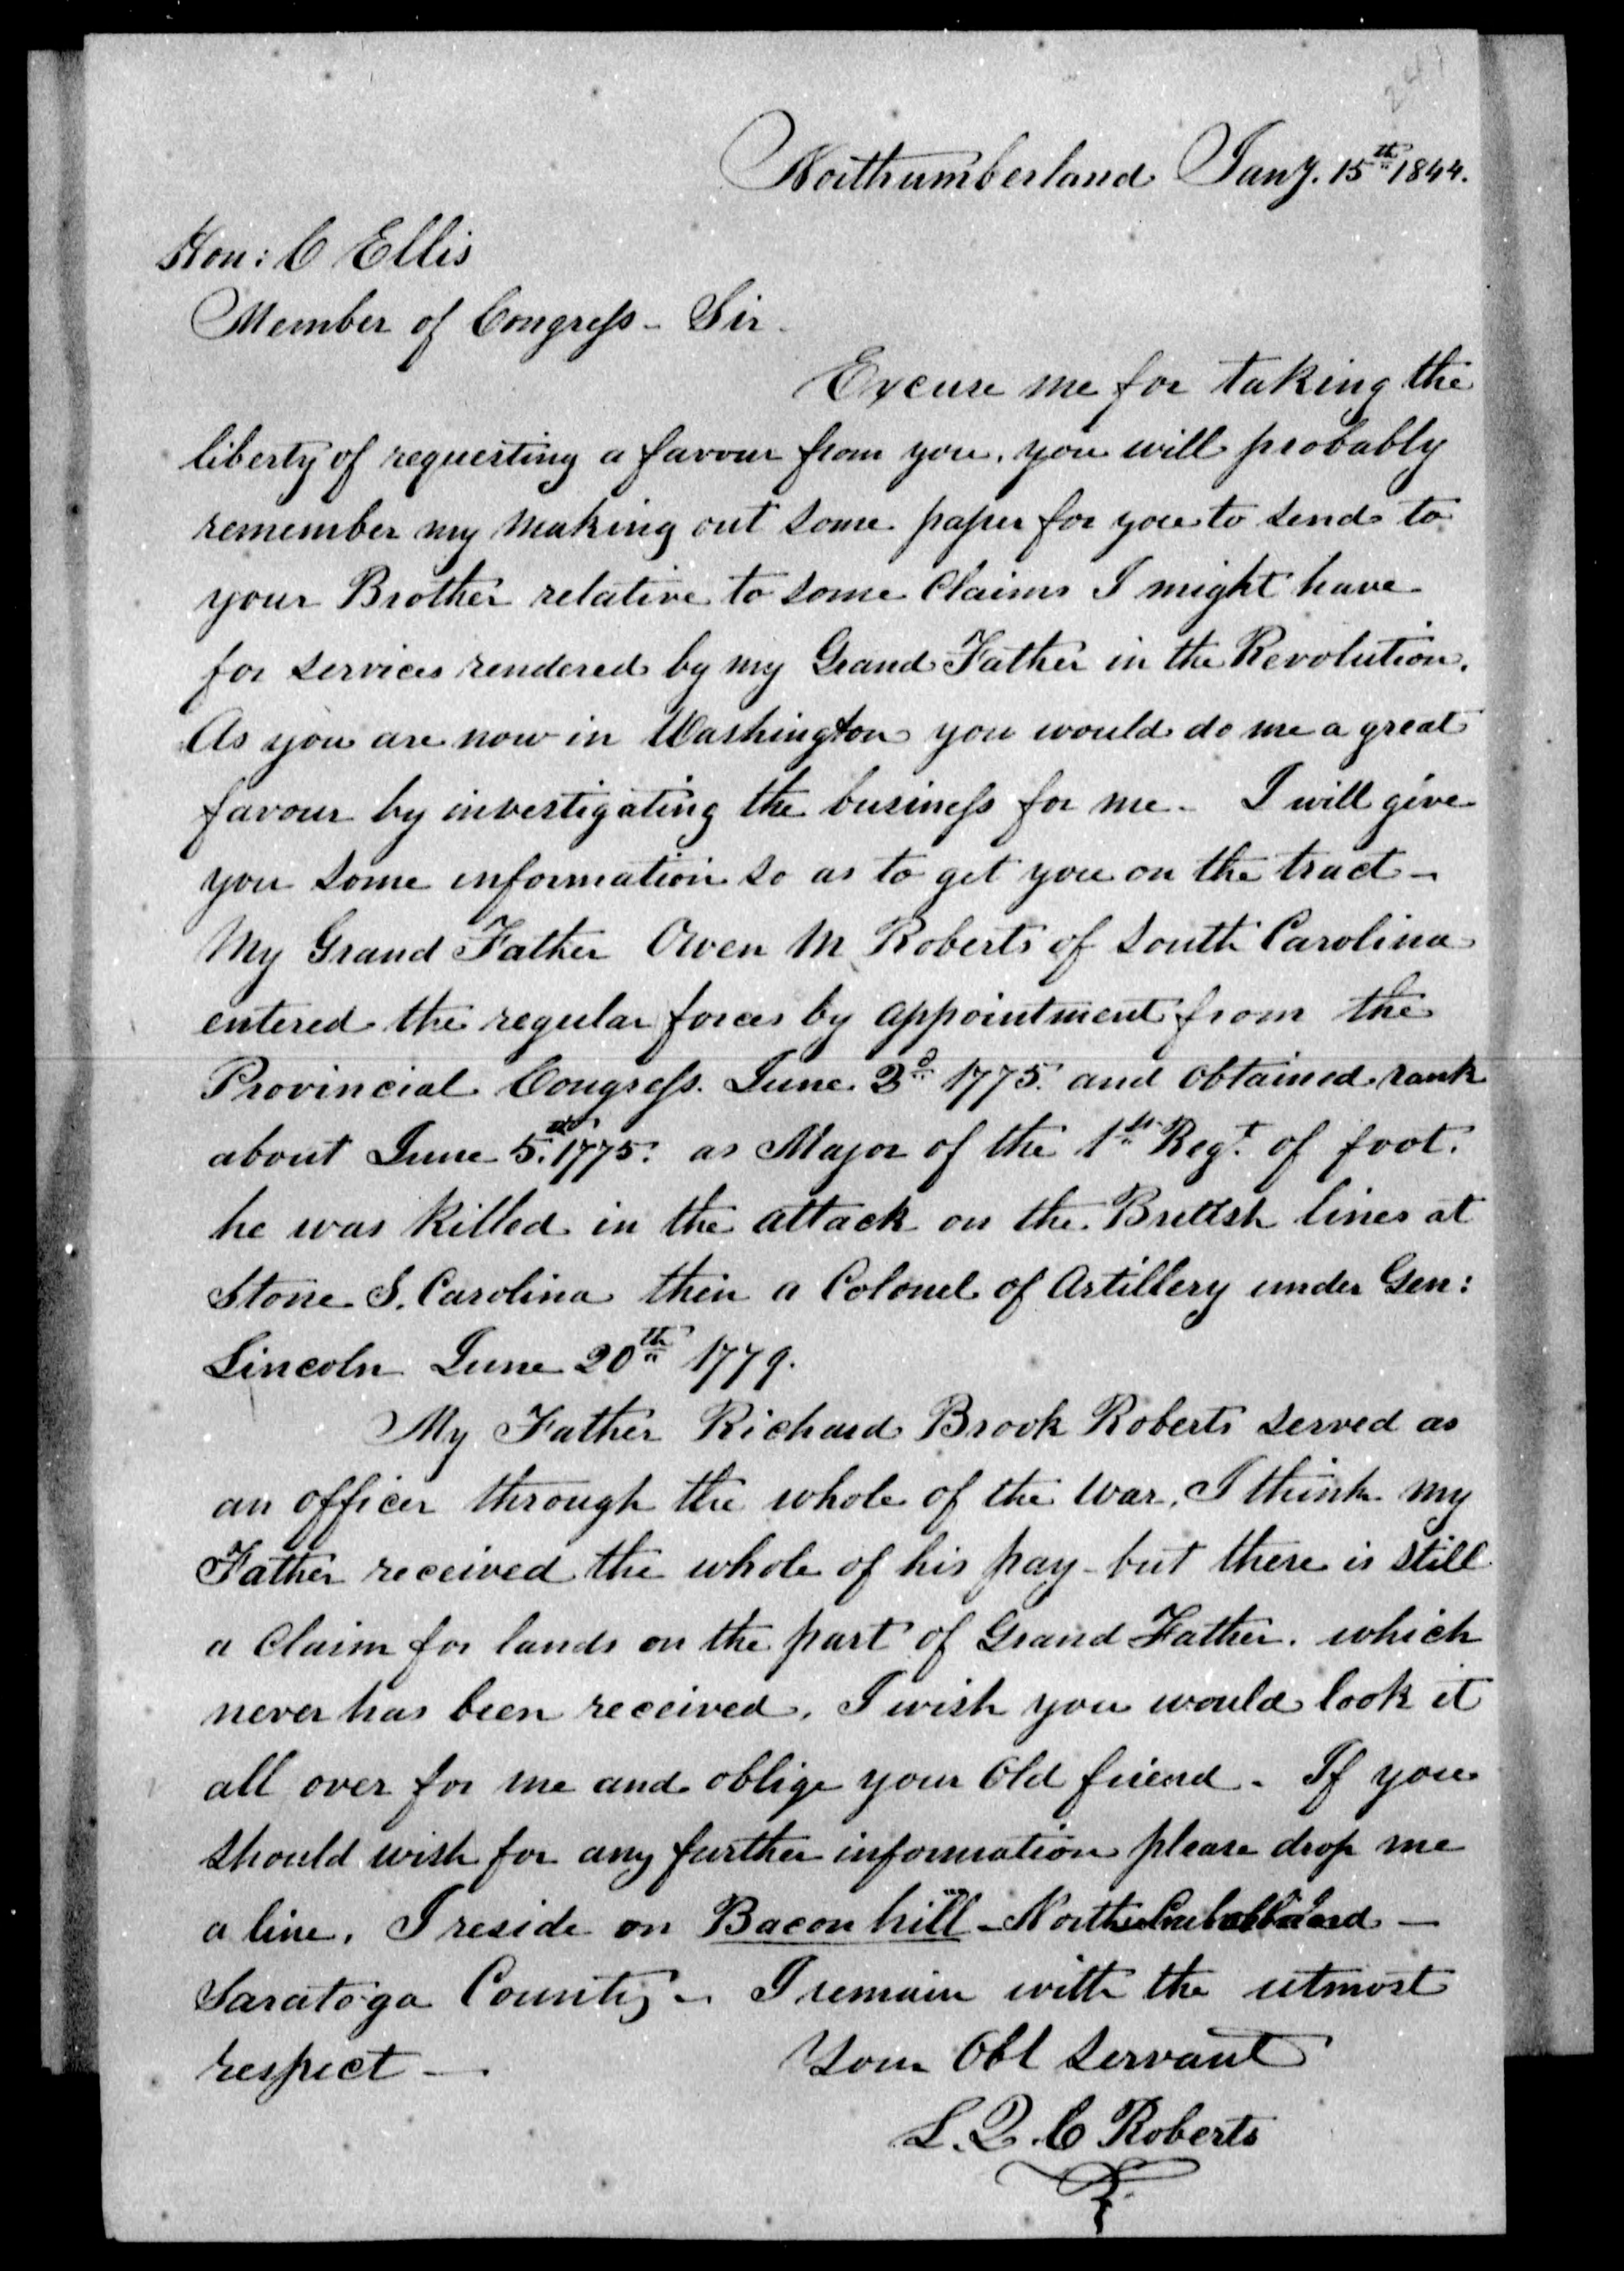Northumberland   Jany. 15th 1844.

Hon. C. Ellis
Member of Congress

Sir

Excuse me for taking the 
liberty of requesting a favour from you, you will probably 
remember my making out some paper for you to send to 
your Brother relative to some claims I might have 
for services rendered by my Grand Father in the Revolution.
As you are now in Washington you would do me a great
favour by investigating the business for me.  I will give
you some information so as to get you on the tract -
My Grand Father Owen M Roberts of South Carolina
entered the regular forces by appointment from the 
Provincial Congress June 2d 1775 and obtained rank
about June 15th 1775 as Major of the 1st Regt. of foot
he was killed in the attack on the British lines at 
Stone S. Carolina then a Colonel of Artillery under Gen. 
Lincoln June 20th 1779.

My Father Richard Brook Roberts served as 
an officer through the whole of the war.  I think my
Father received the whole of his pay - but there is still 
a claim for lands on the part of Grand Father which 
never has been received.  I wish you would look it
all over for me and oblige your old friend.  If you 
should wish for any further information please drop me 
a line.  I reside on Bacon hill - Northumberland -
Saratoga County - I remain with the utmost
respect -  

Your obt servant
L. Q. C. Roberts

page: 11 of 59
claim: bounty land warrant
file: B.L.Wt. 2359-500, for Owen Roberts, South Carolina